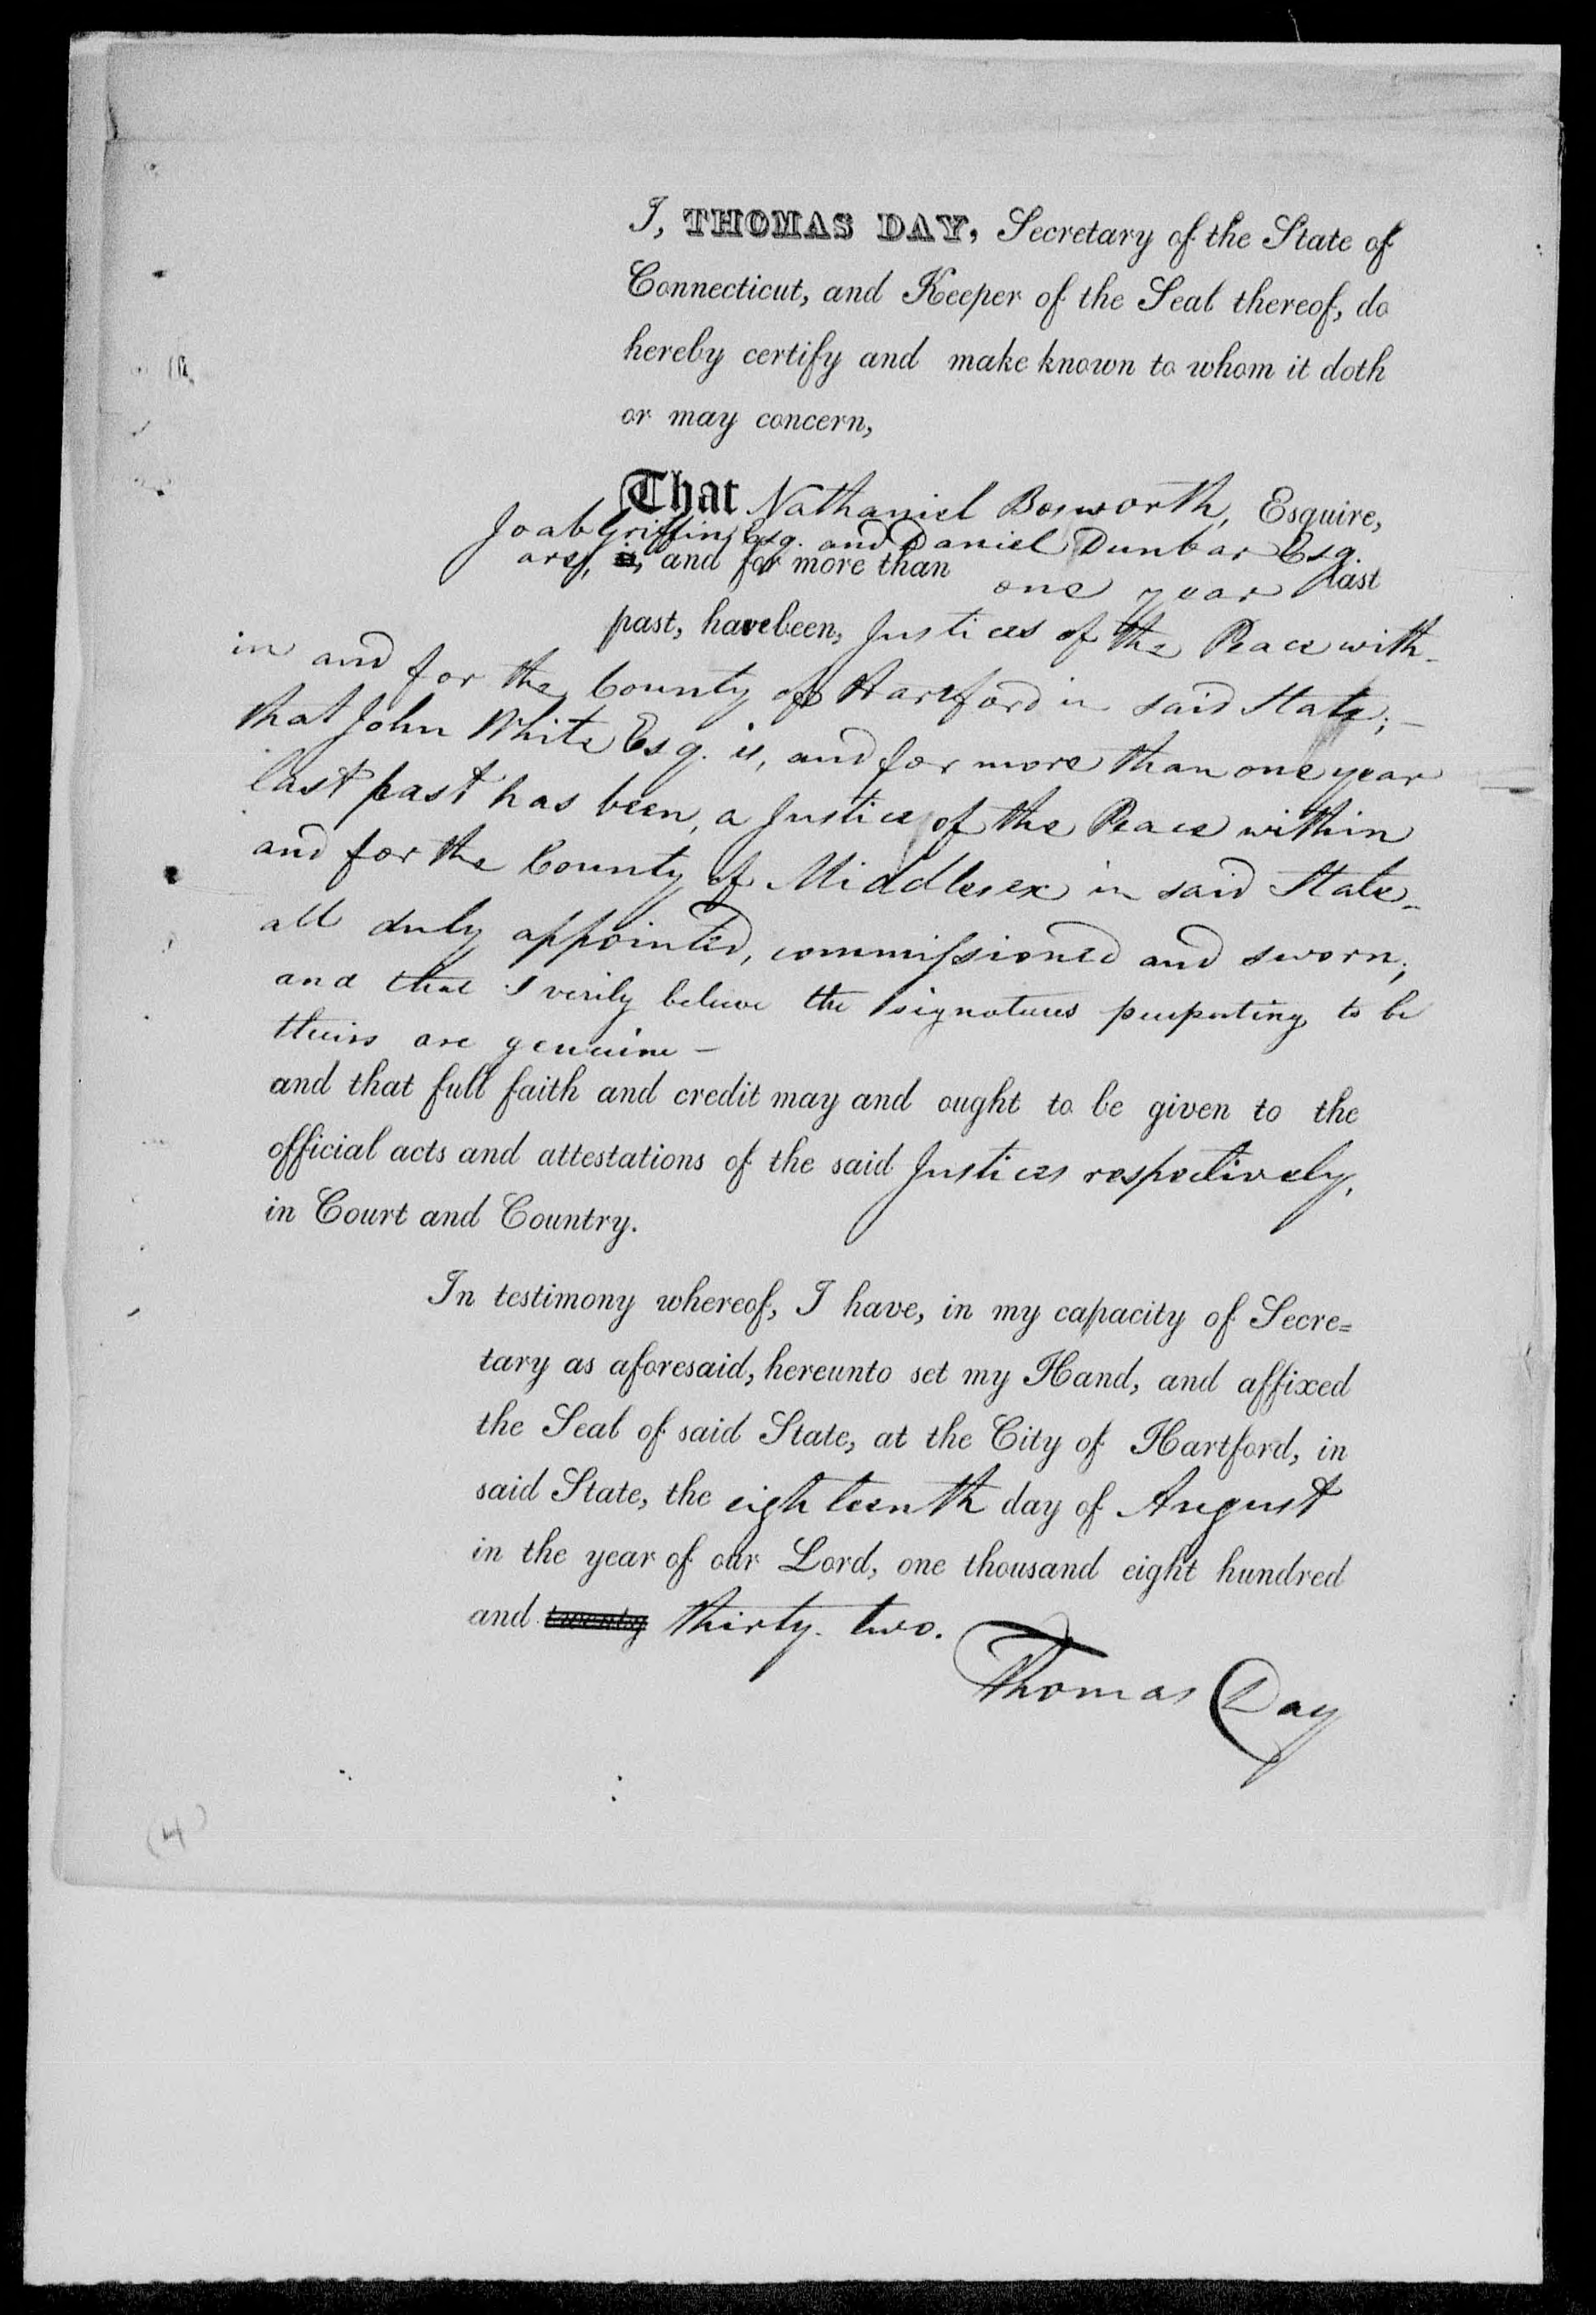I, THOMAS DAY, Secretary of the State of Connecticut, and Keeper of the Seal thereof, do hereby certify and make known to whom it doth or may concern,
That Nathaniel Bosworth, Esquire, Joab Griffin Esq and Daniel Dunbar Esq and for more than one year last past, have been Justices of the Peace within and for the County of Hartford in said State; that John White Esq is, and for more than one year last past has been, a Justice of the Peace within and for the County of Middlesex in said State, all duly appointed, commissioned and sworn; and that I verily believe the signatures purporting to be theirs are genuine and that full faith and credit may and ought to be given to the official acts and attestations of the said Justices respectively in Court and Country.
In testimony whereof, I have, in my capacity of Secretary as aforesaid, hereunto set my Hand, and affixed the Seal of said State, at the City of Hartford, in said State, the eighteenth day of August in the year of our Lord, one thousand eight hundred and thirty two.
Thomas Day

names: Nathaniel Bosworth, Thomas Day, Daniel Dunbar, Joab Griffin, Thomas Day, John White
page: 51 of 76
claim: widow's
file: W. 5,250, Timothy Coe, Conn.